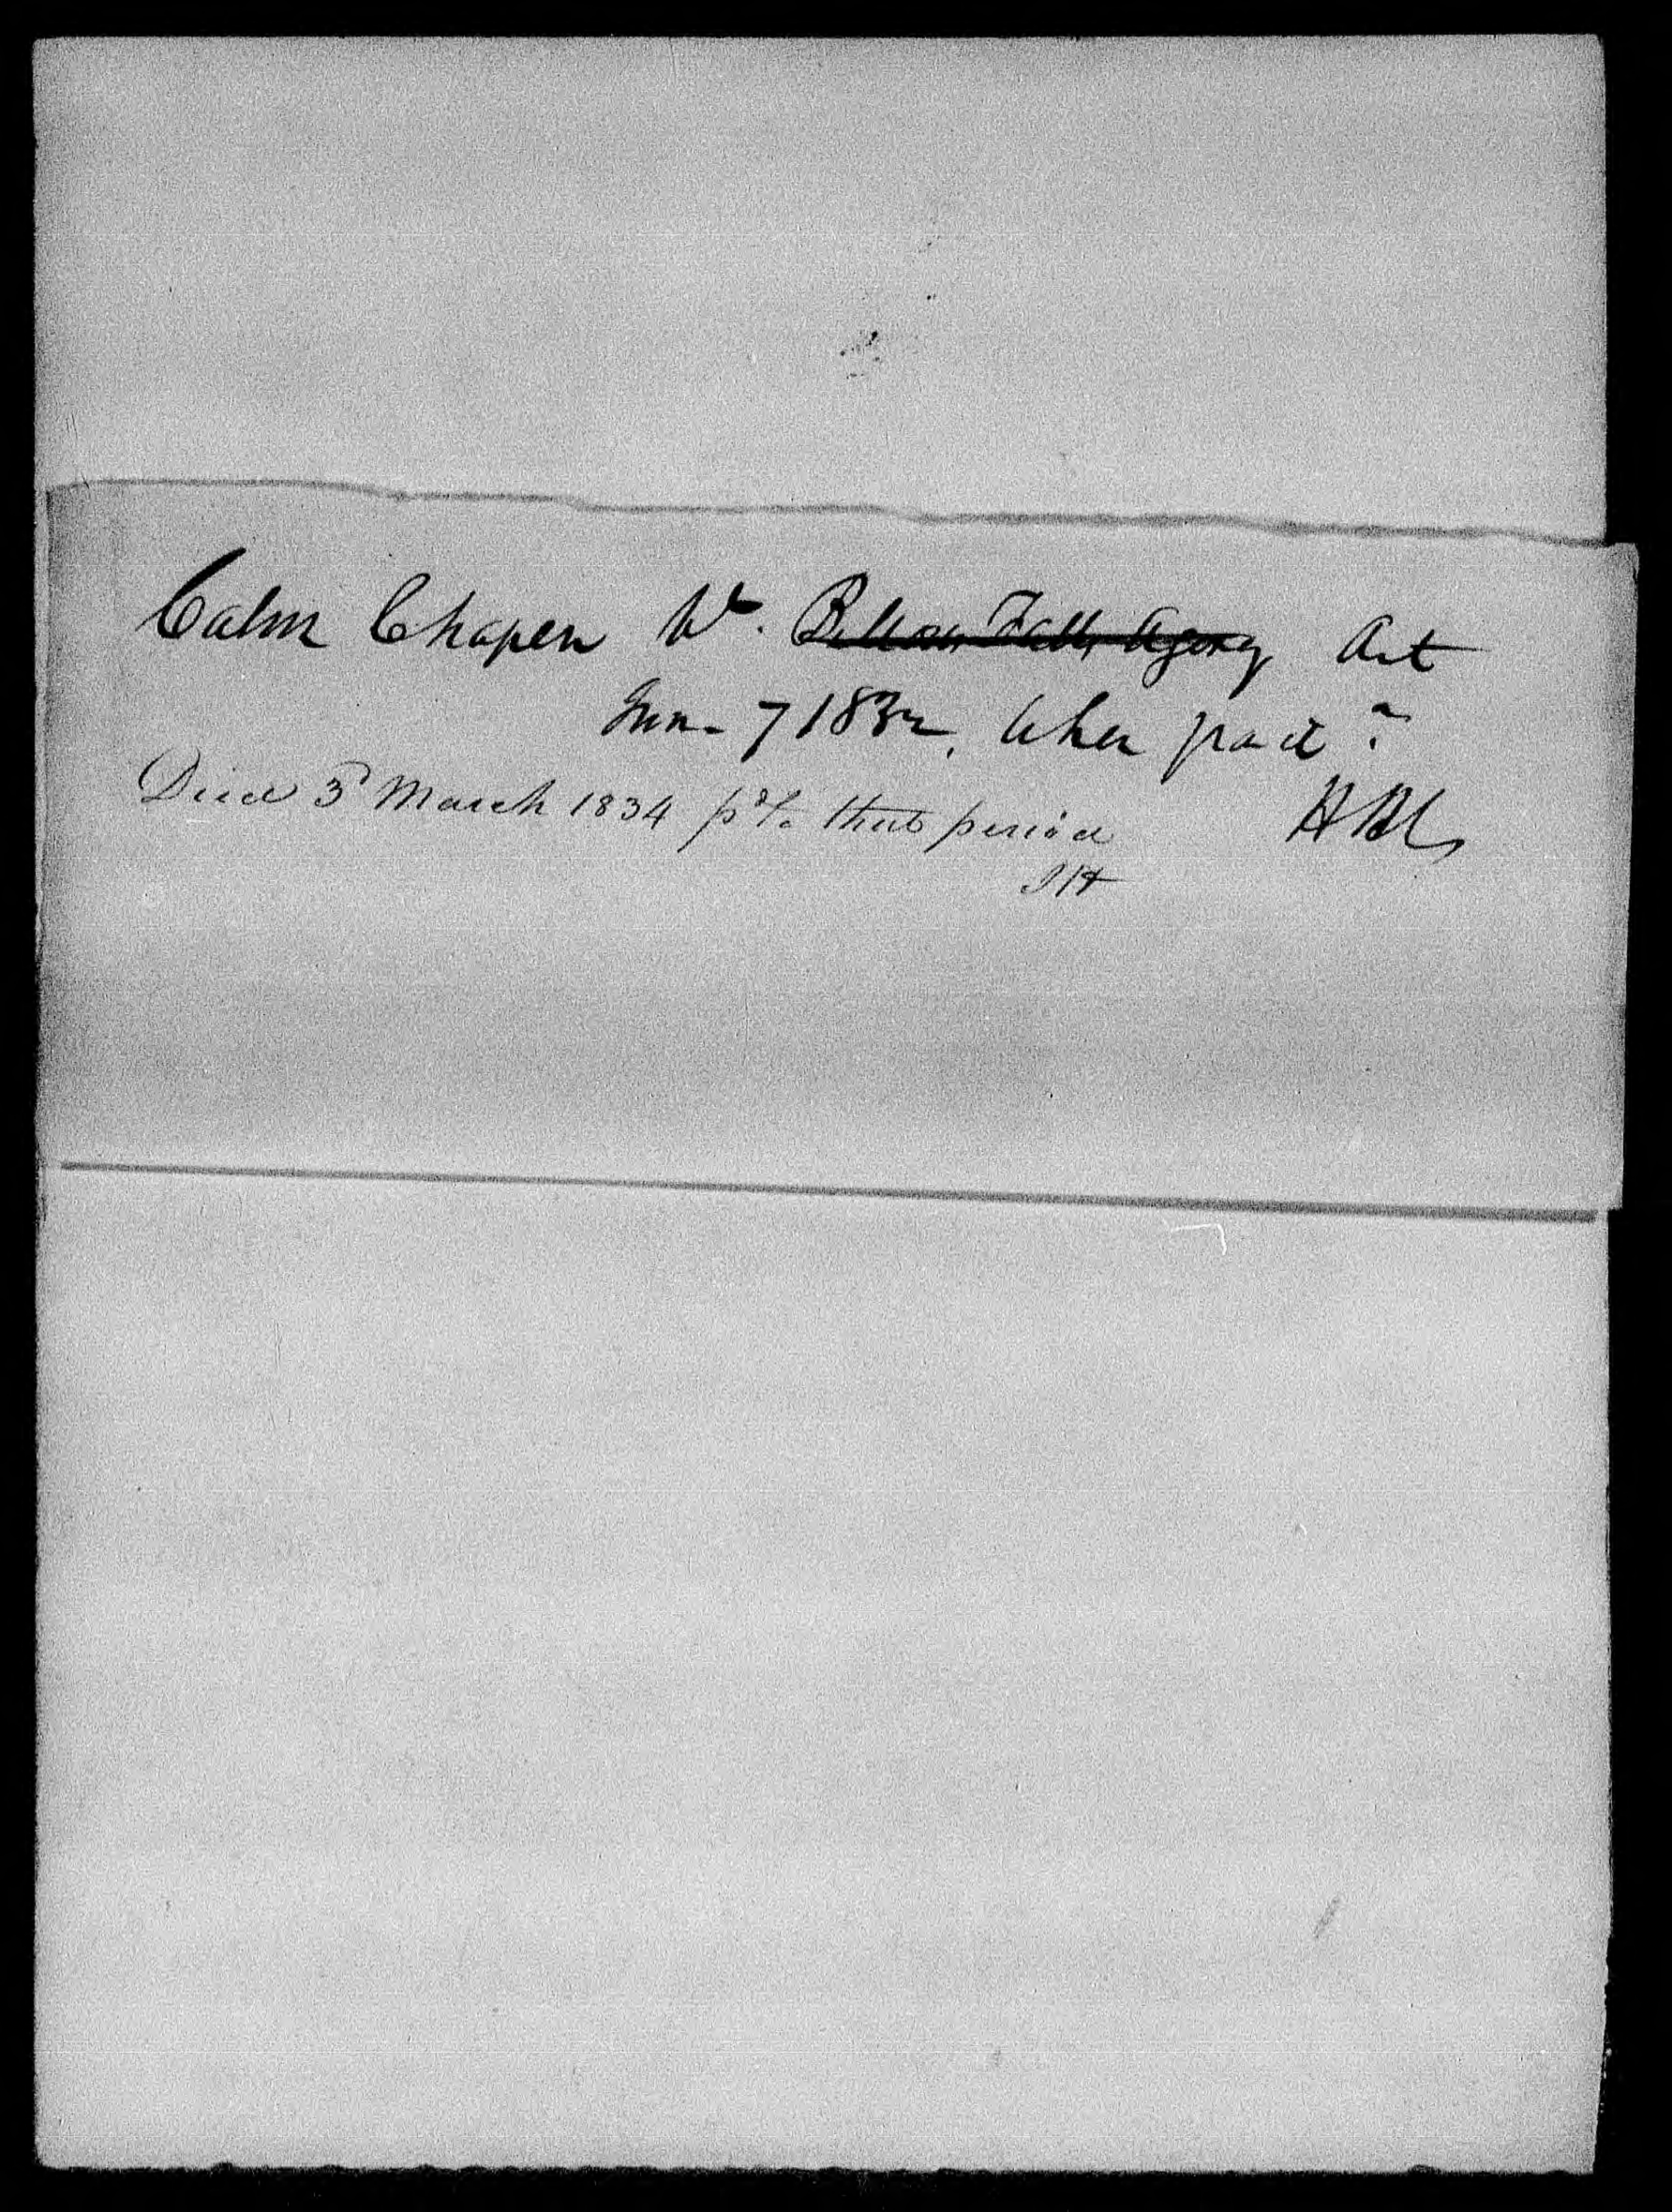Calvin Chapen Vt. ['Bellows Falls Agency' crossed out] Act Jun- 7 1832, when pass'd
[initialed: AM]
Died 3d March 1834 p'd to that period [initialed: JH]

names: Calvin Chapen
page: 30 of 35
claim: widow's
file: W. 20,864, Calvin Chapin, Mass. Vt.